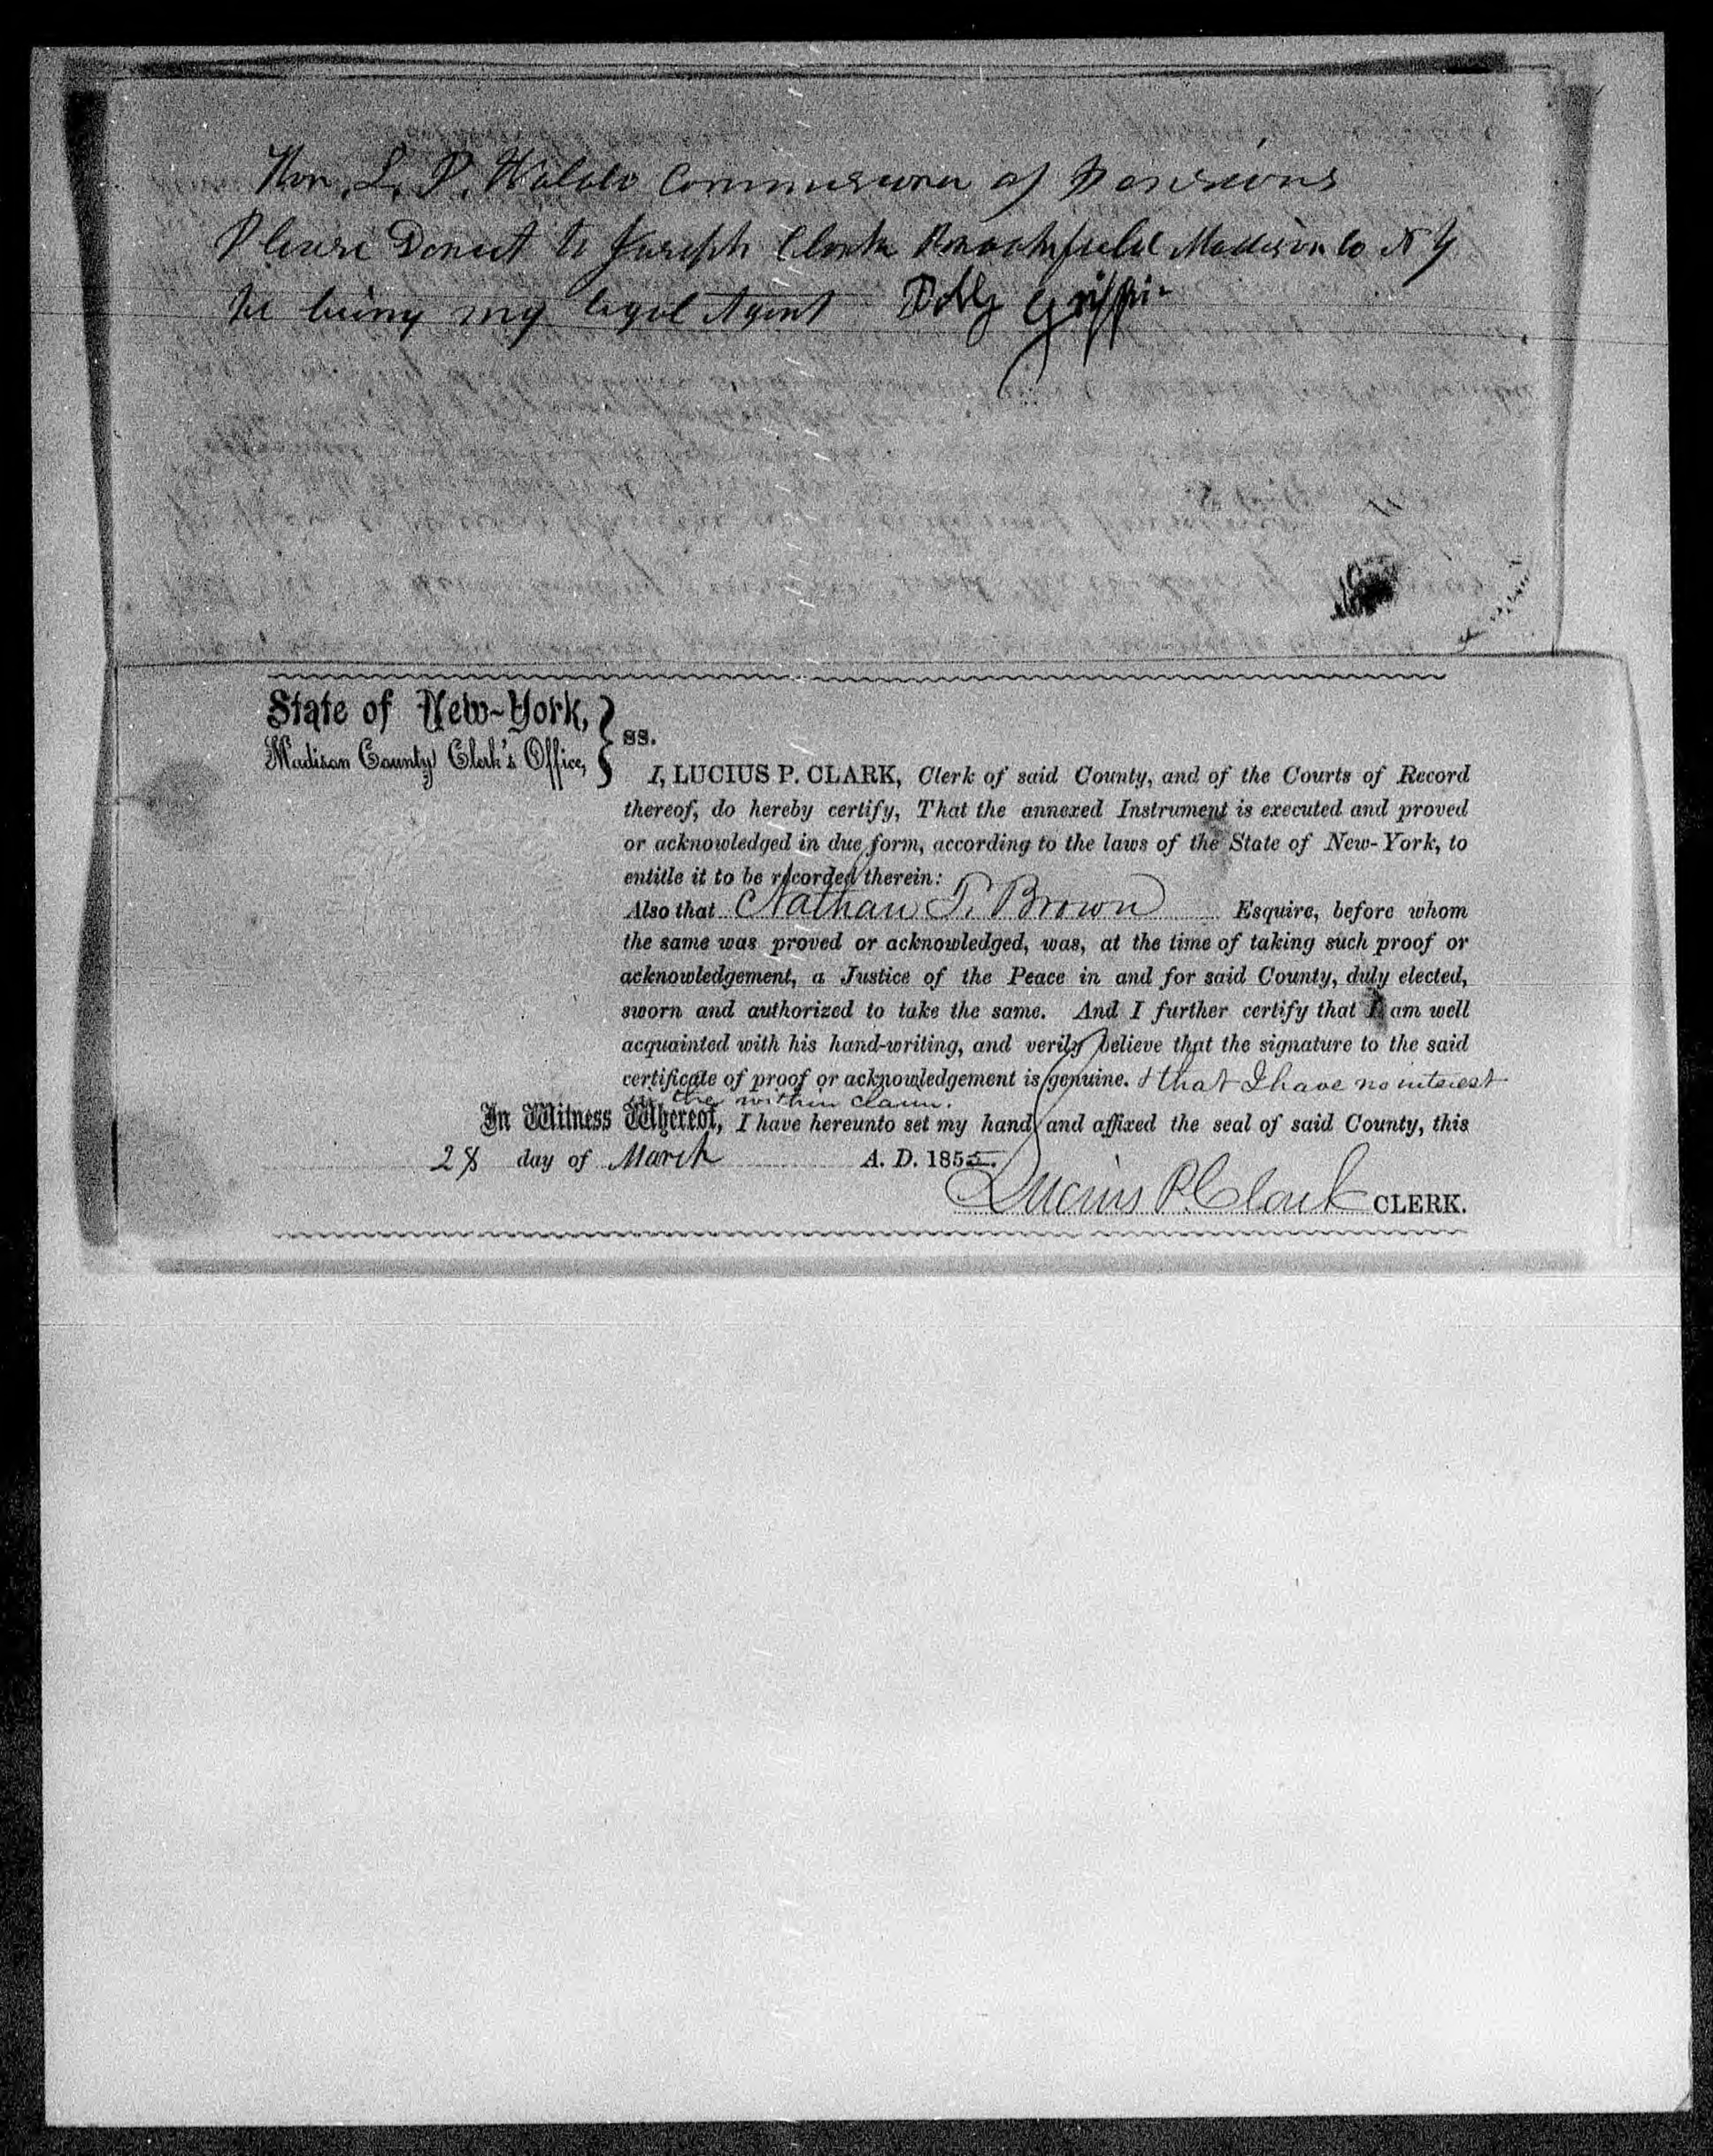Hon L. P. Waldo Commissioner of Pensions
Please Direct to Joseph Clark Brookfield Madison Co NY he being my legal Agent
[signed] Polly Griffin
State of New-York, Madison County Clerk's Office ss.
I, LUCIUS P. CLARK, Clerk of said County, and of the Courts of Record thereof, do hereby certify, That the annexed Instrument is executed and proved or acknowledged in due form, according to the laws of the State of New-York to entitle it to be recorded therein:
Also that Nathan T. Brown Esquire, before whom the same was proved or acknowledged, was, at the time of taking such proof or acknowledgement, a Justice of the Peace in and for said County, duly elected, sworn and authorized to take the same. And I further certify that I am well acquainted with his hand writing, and verily believe that the signature to the said certificate of proof or acknowledgement is genuine & that I have no interest in the within claim.
In Witness Thereof, I have hereunto set my hand and affixed the seal of said County, this 28 day of March A.D. 1855 Lucius P. Clark CLERK.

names: Nathan T Brown, Lucius P Clark, Lucius P Clark, L P Waldo, Polly Griffin, Joseph Clark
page: 14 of 60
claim: widow's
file: W. 19,537, Thomas Griffin, Conn.